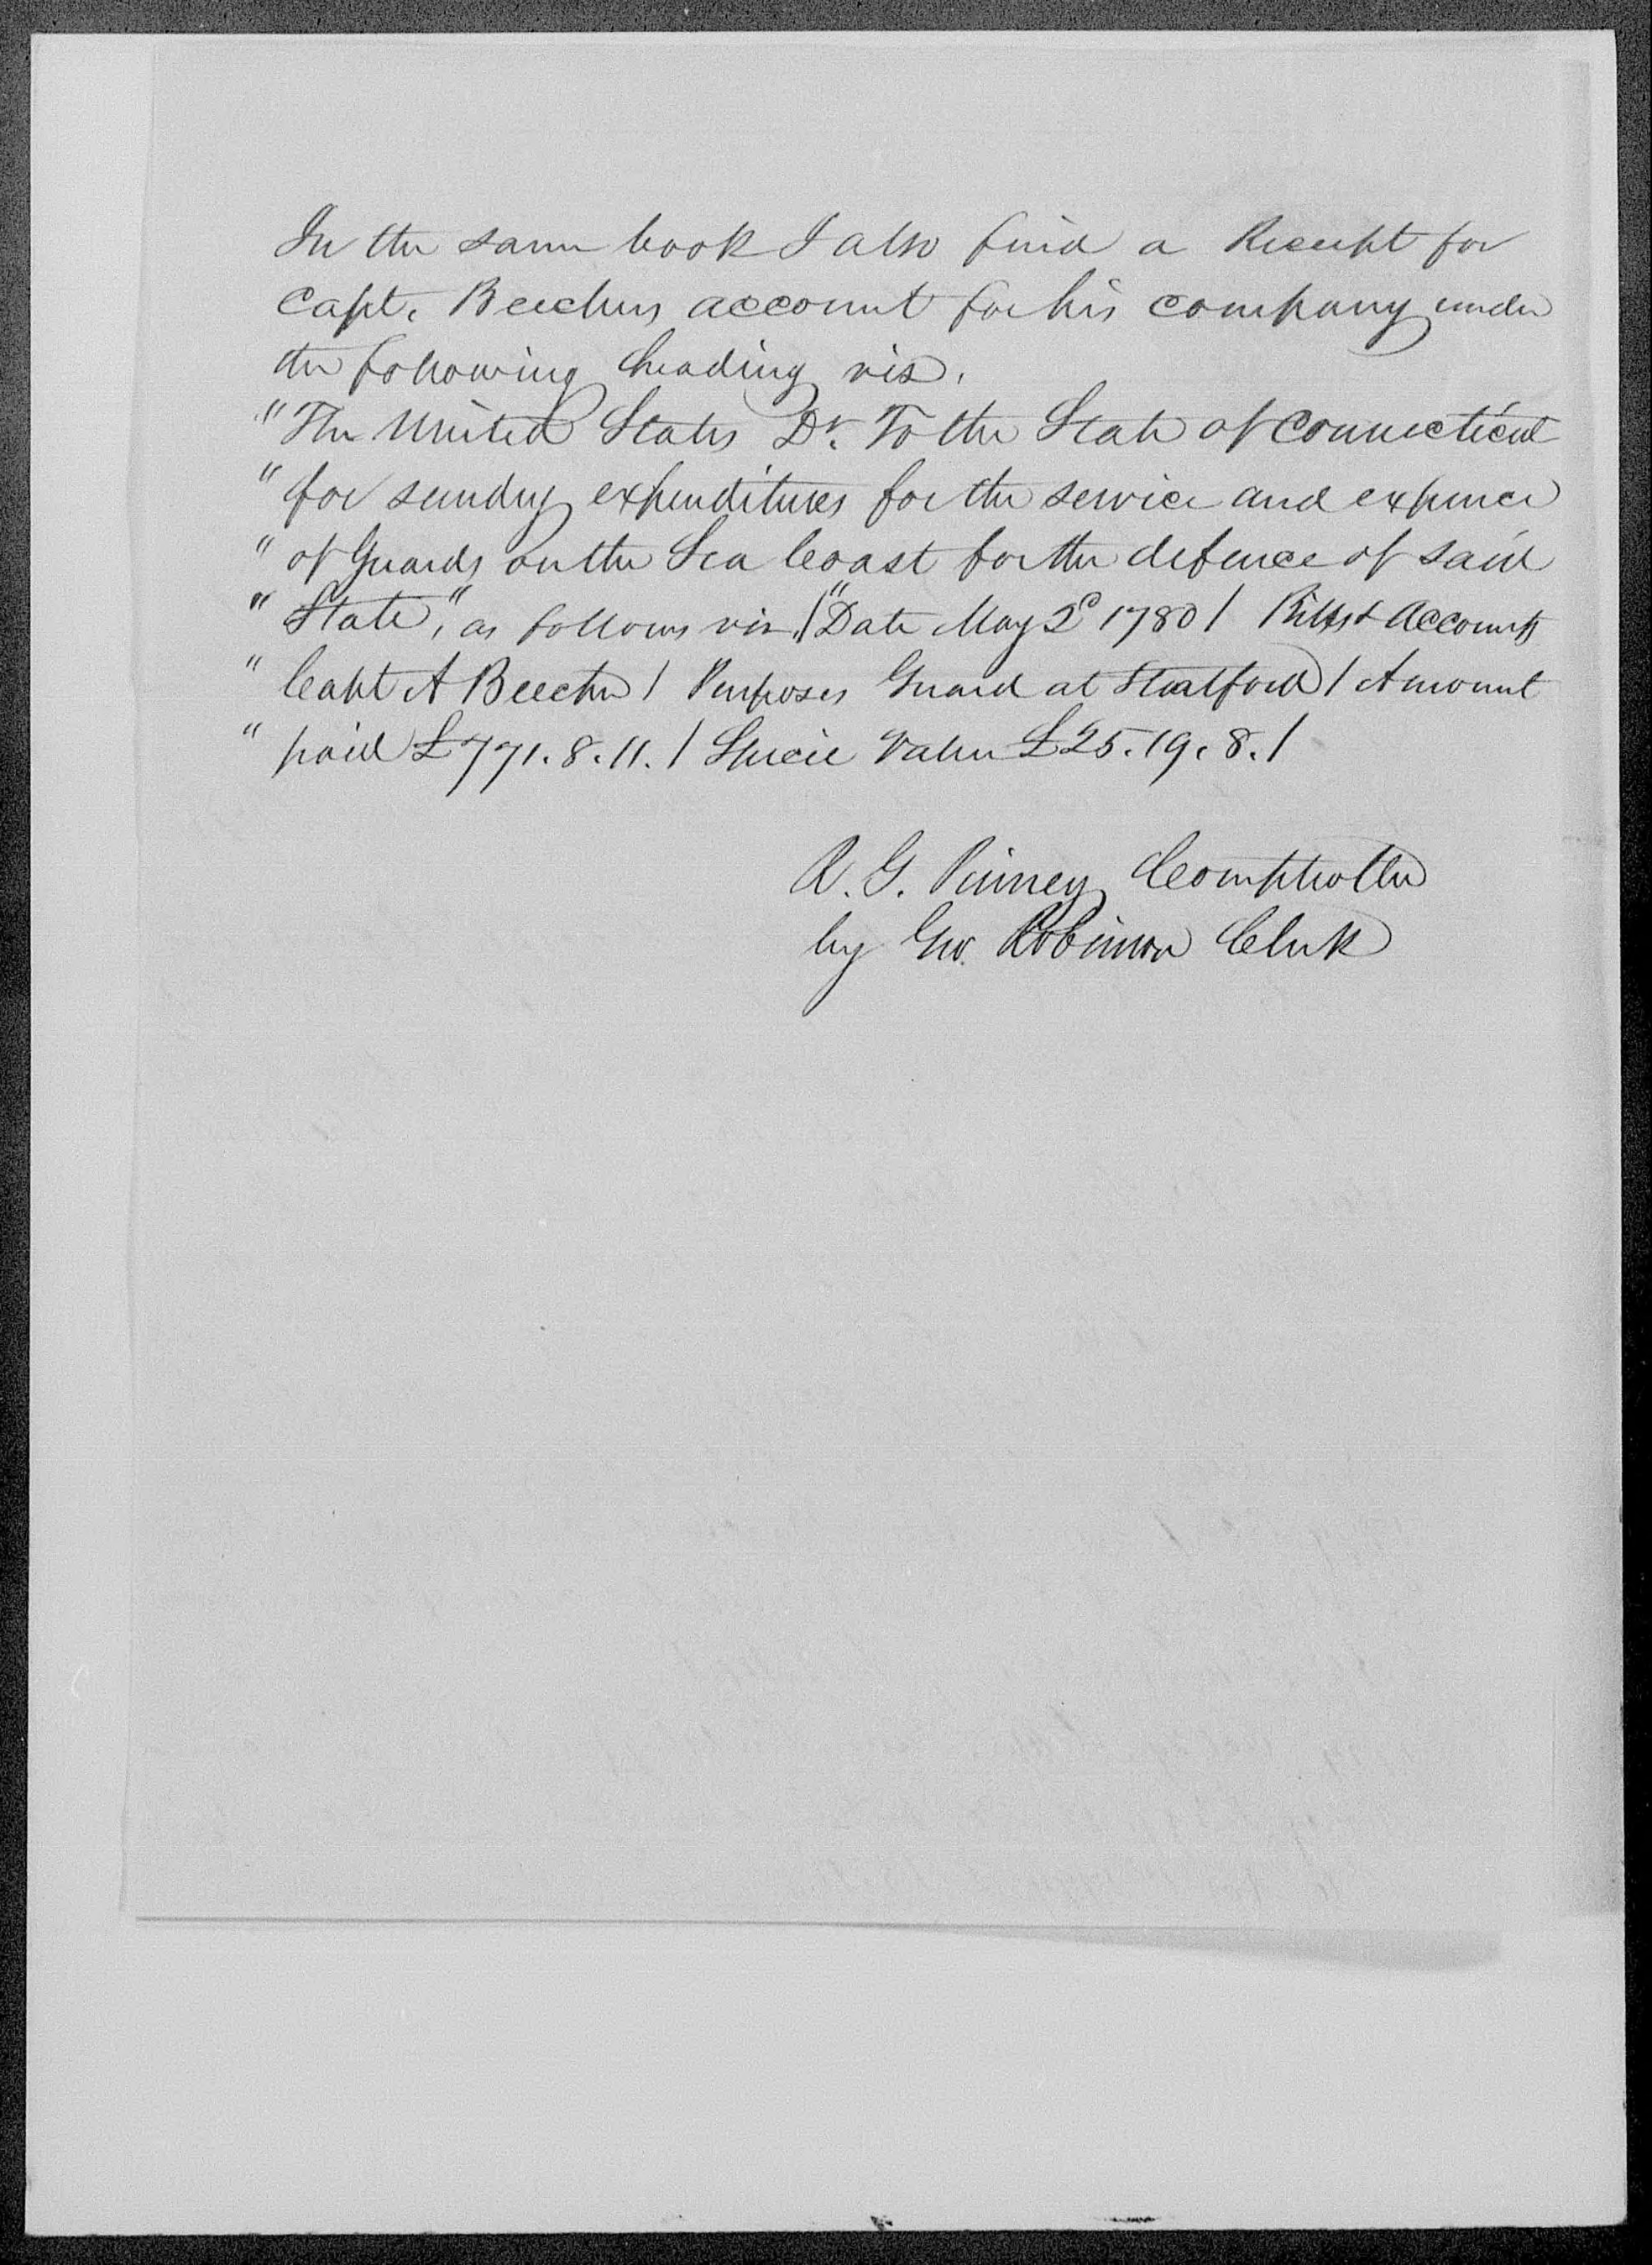In the same book I also find a Receipt for Capt. Beechers account for his company under the following heading viz, 
“The United States Dr to the State of Connecticut for sundry expenditures for the service and expence of Guards on the Sea Coast for the defence of said State,” as follows viz “Date (May 2d 1780) Bills & accounts Capt A Beecher Purposes Guard at Stratford Amount paid £ 771.8.11. Stated Value £ 25.19.8.1  
R.. G. Pinney Comptroller 
by Geo. Robinson Clerk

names: Buchers, A Bucher, Geo Robinson, R G Pinney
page: 33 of 35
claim: rejected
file: R. 501, Phineas Barker, Conn. Privateer